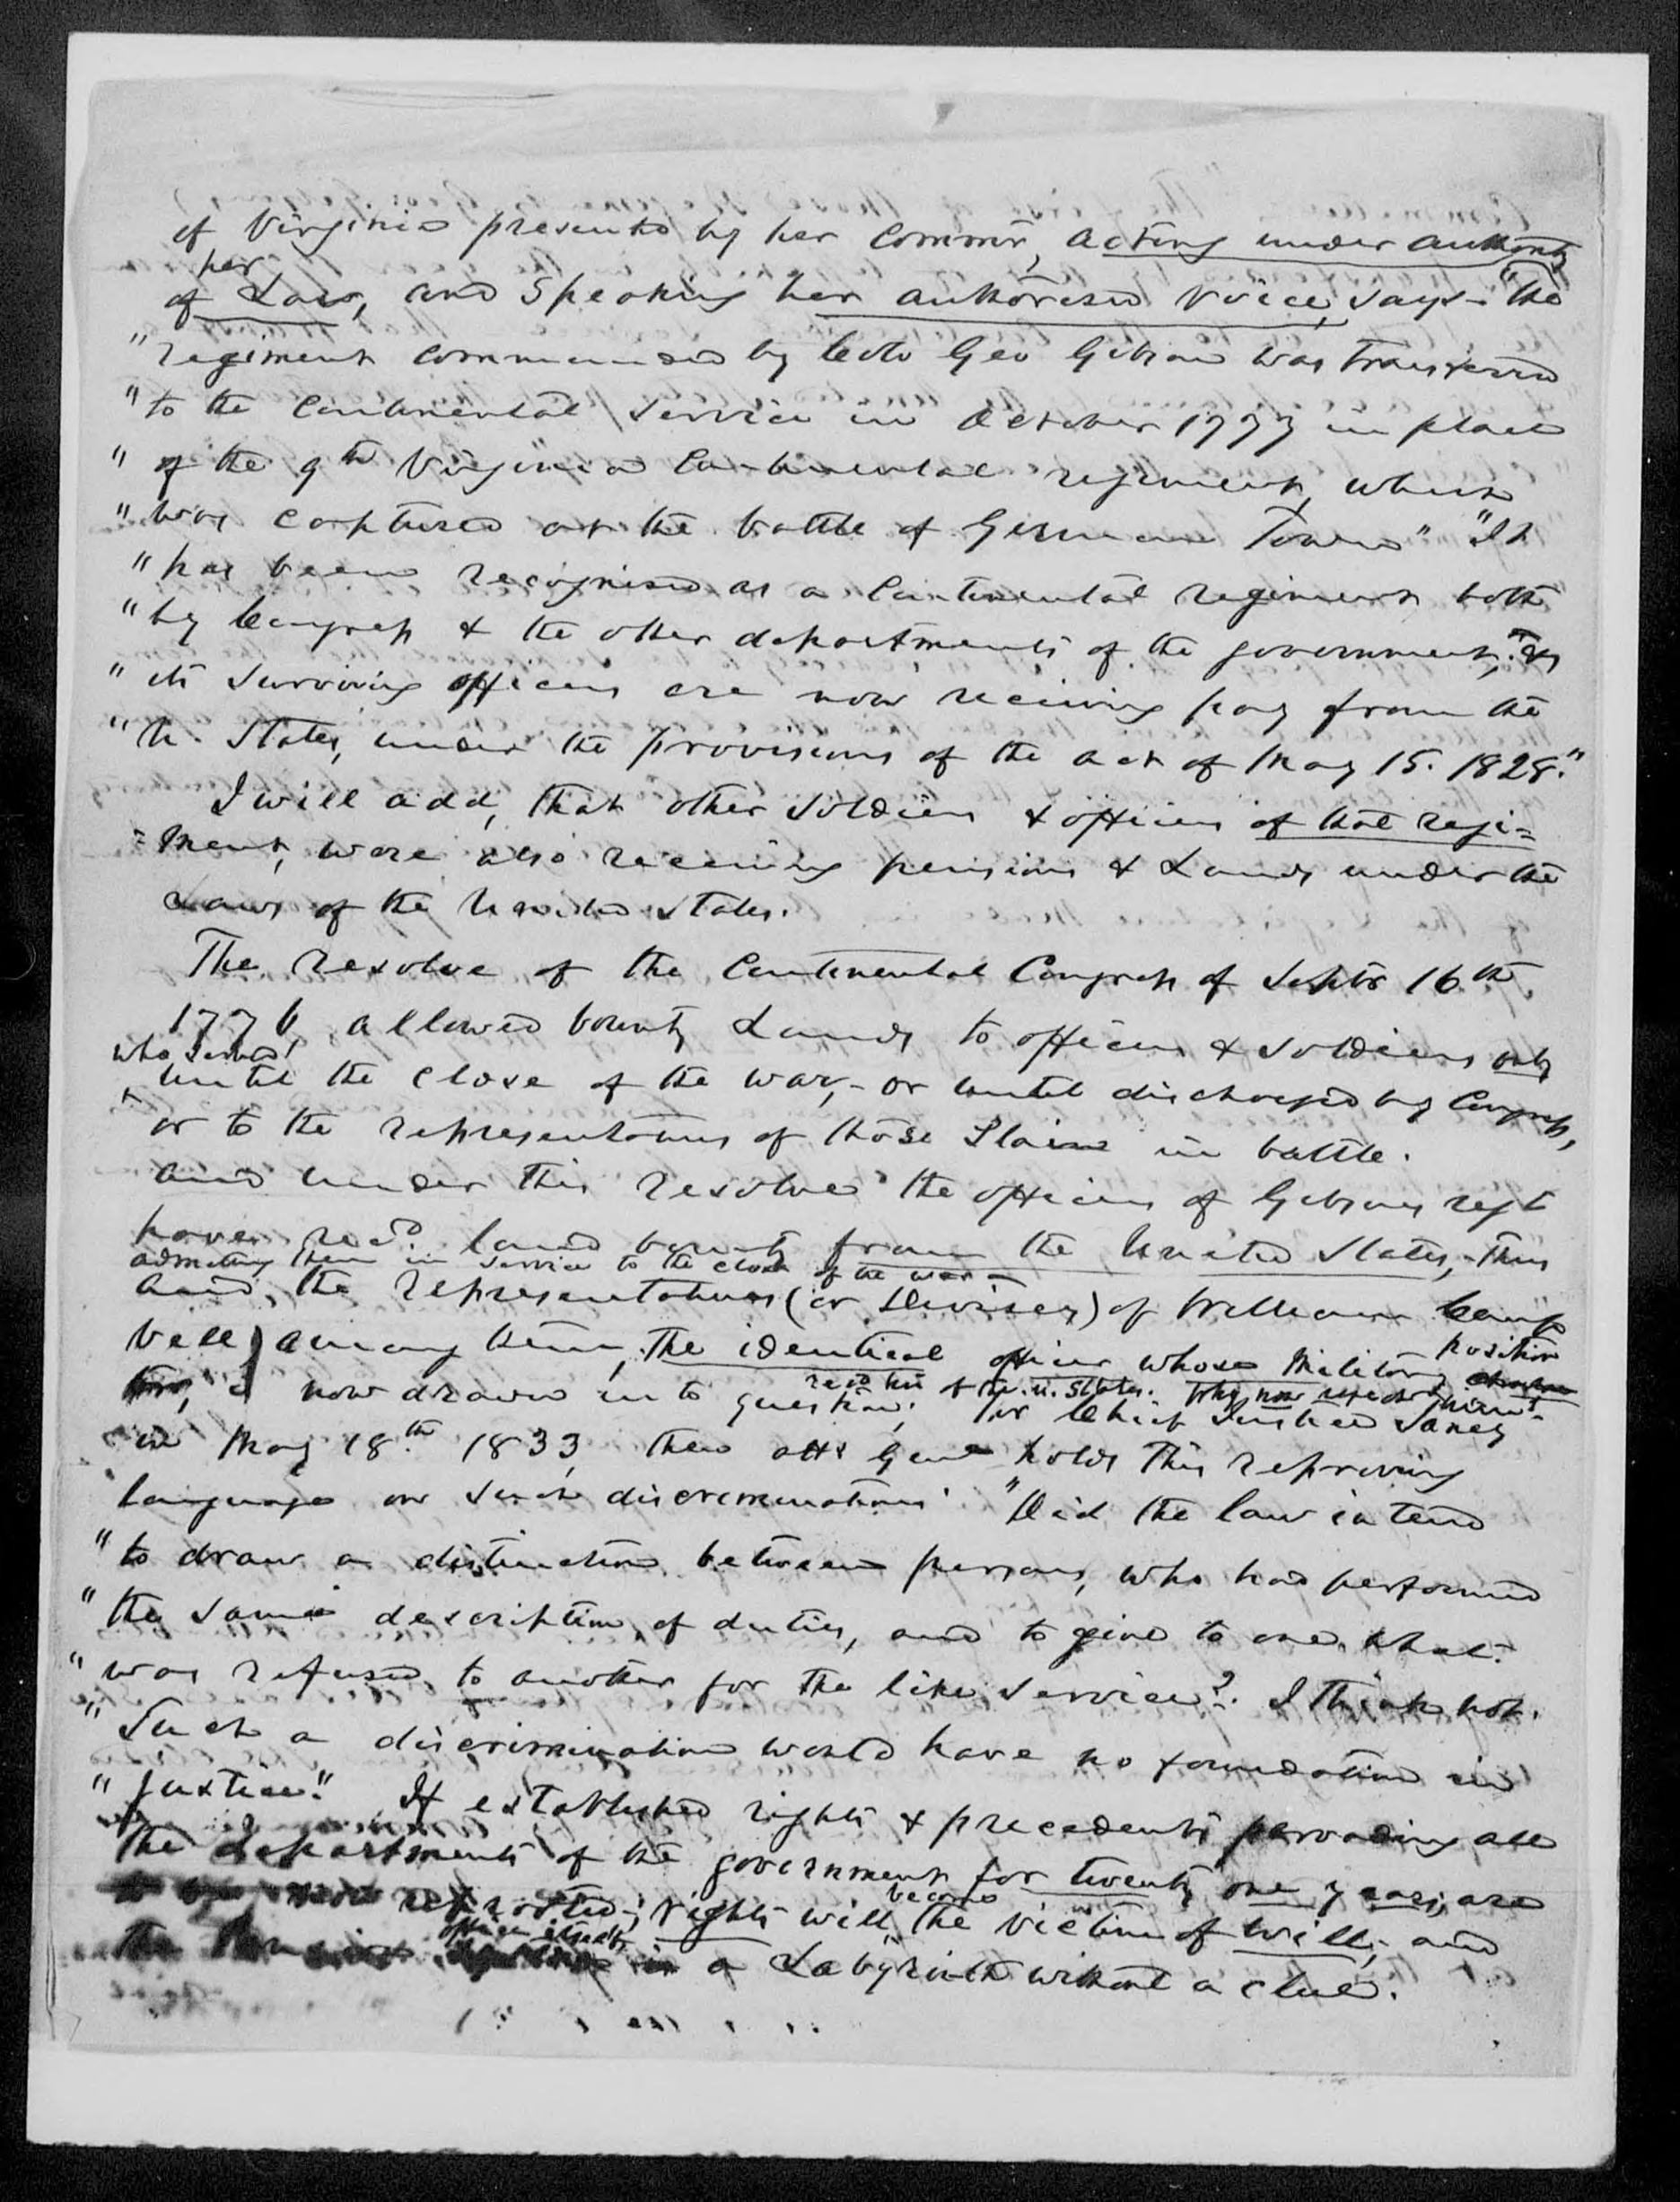of Virginia presented by her Commr, acting under authority of her Son, and speaking her authorised [sic] voice says "the regiment commanded by Colo Geo Gibson was transferred to the continental service in October 1777 in place of the 9th Virginia Continental regiment which was captured at the battle of German Town" "It has be recognised [sic] as a Continental regiment both by Congress & the other departments of the government, &c. Its surviving officers are now receiving pay from the the [sic] States, under the provision of the Act of May 15, 1828."
I will add, that other soldiers & officers of that Regiment, were also receiving pension & Lands under the Laws of the United States.
The resolve of the Continental Congress of Sept'r 16th 1776, allowed bounty lands to officers & soldiers only until the close of the war, - or until discharged by Congress, or to the representatives of those slain in battle. And under this resolve the officers of Gibson's regt have rec'd land bounty from the United States, thus admitting them in service to the close of the war. - And, the representatives (or Devisees) of William Campbell among these, the identical officers whose Militia position now drawn into question rec'd his of the U. States.  Why now reject him? Mr. Chief Justice Taney in May 18th 1833 [?] this reproving language on such discrimination "Did the law intend to draw a distinction between persons who had performed the same description of duties, and to give one what was refused to another for the like service? I think not. Such a discrimination would have no foundation in justice." If established rights & precedents pervading all departments of the government for twenty one years are [?] rights- will become the victim of wills, and [?] office itself in a labyrinth without a clue.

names: William Campbell, Geo Gibson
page: 222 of 267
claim: widow's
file: W. 4,149, William Campbell, Va.